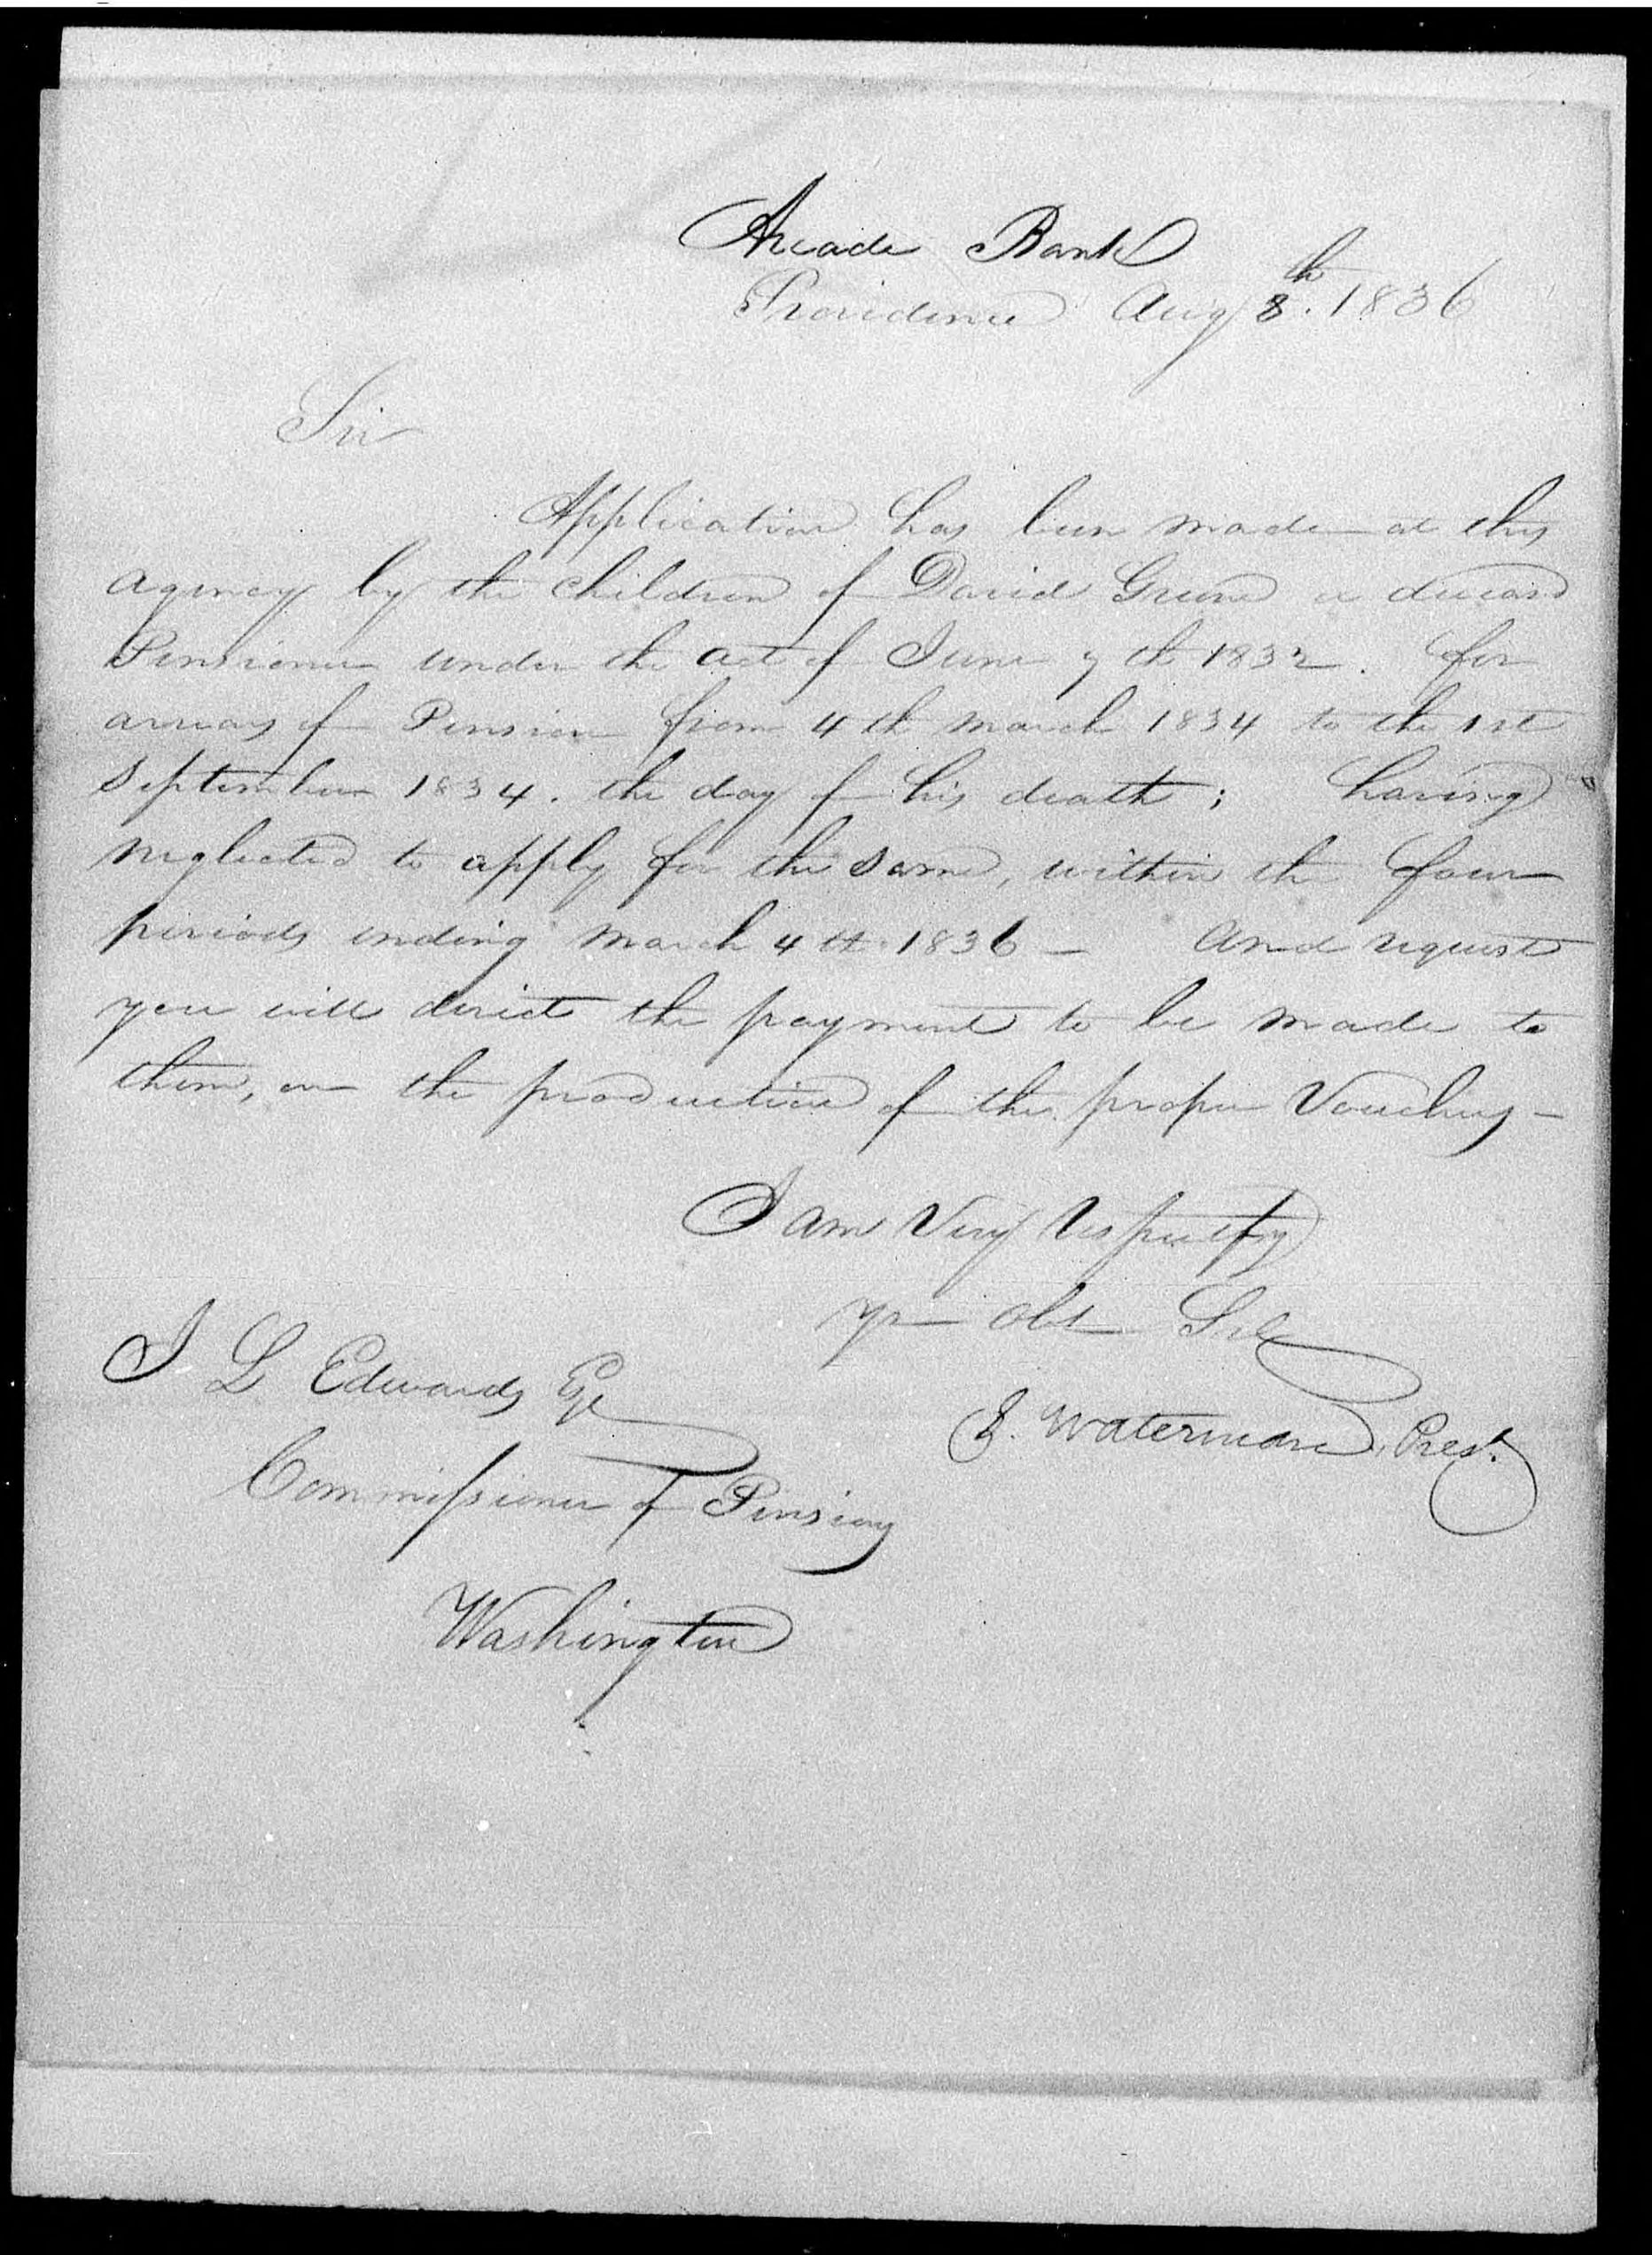Arcade Bank
Providence Aug 8th 1836

Sir
Application has been made at this
agency by the children of David Greene a deceased
Pensioner under the act of June 7th 1832, for
(illegible) of Pension from 4th March 1834 to the 1st
September 1834, the day of his death; having
neglected to apply for the same, within the four
periods ending March 4th 1836- and request
you will direct the payment to be made to
them, in the production of this proper Vouchey-

I am Very Respectfully
your obt Sv
S. Waterman Pres.

I.L. Edwards Esq
Commissioner of Pensions
Washington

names: J L Edwards, J Waterman, David Greene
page: 23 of 27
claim: survivor's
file: S. 21,245, David Greene, R.I.